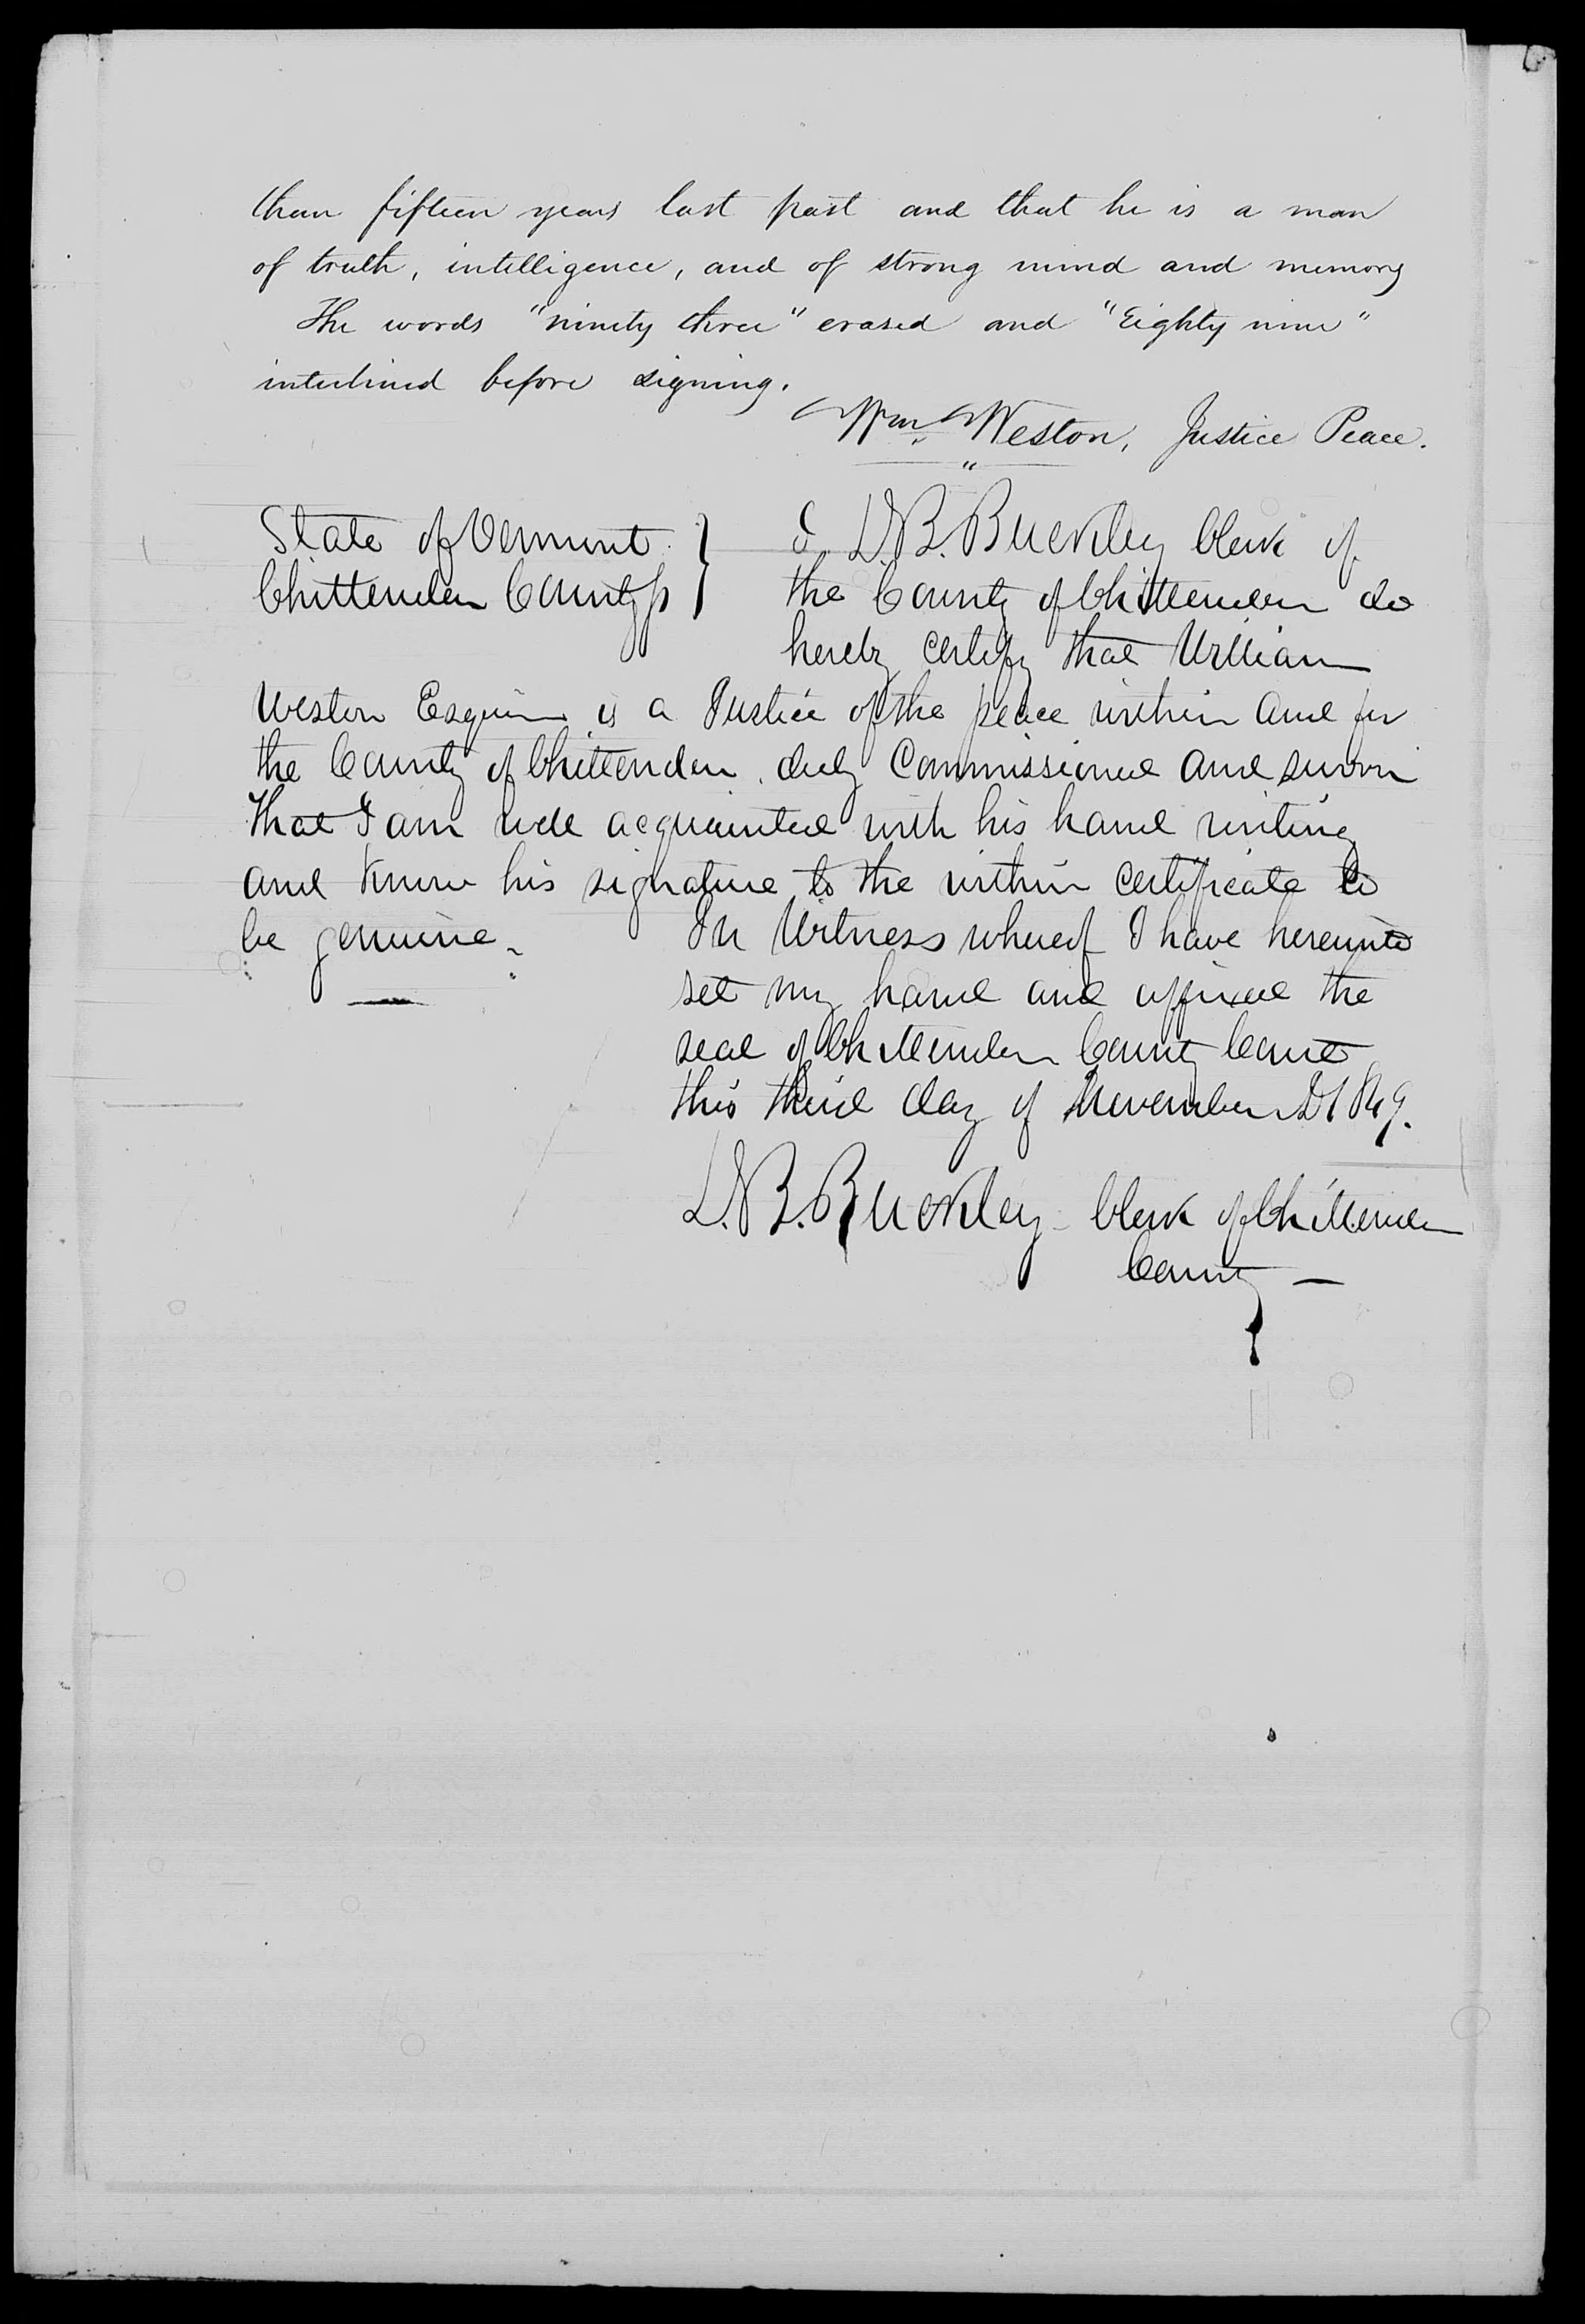than fifteen years last past and that he is a man
of truth, intelligence, and of strong mind and memory
The words “ninety three" erased and "Eighty nine”
interlined before signing.
Wm Weston,
Justice Peace

State of Vermont Chittenden County ss
I D. B. Buckley Clerk of the County of
 Chittenden do hereby certify that William
Weston Esquire is a Justice of the peace within
 and for the County of Chittenden, duly commissioned
 and sworn. That I am well acquainted with his hand
 writing and know his signature to the within certificate to
be genuine. 
In Witness whereof I have hereunto set my hand and affixed the seal of Chittenden County Court this third day of November AD 1849.

D.B. Buckley Clerk of Chittenden Court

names: William Weston; D B Buckley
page: 54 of 99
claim: widow's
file: W. 24,482, for Richard Lattin, Vermont